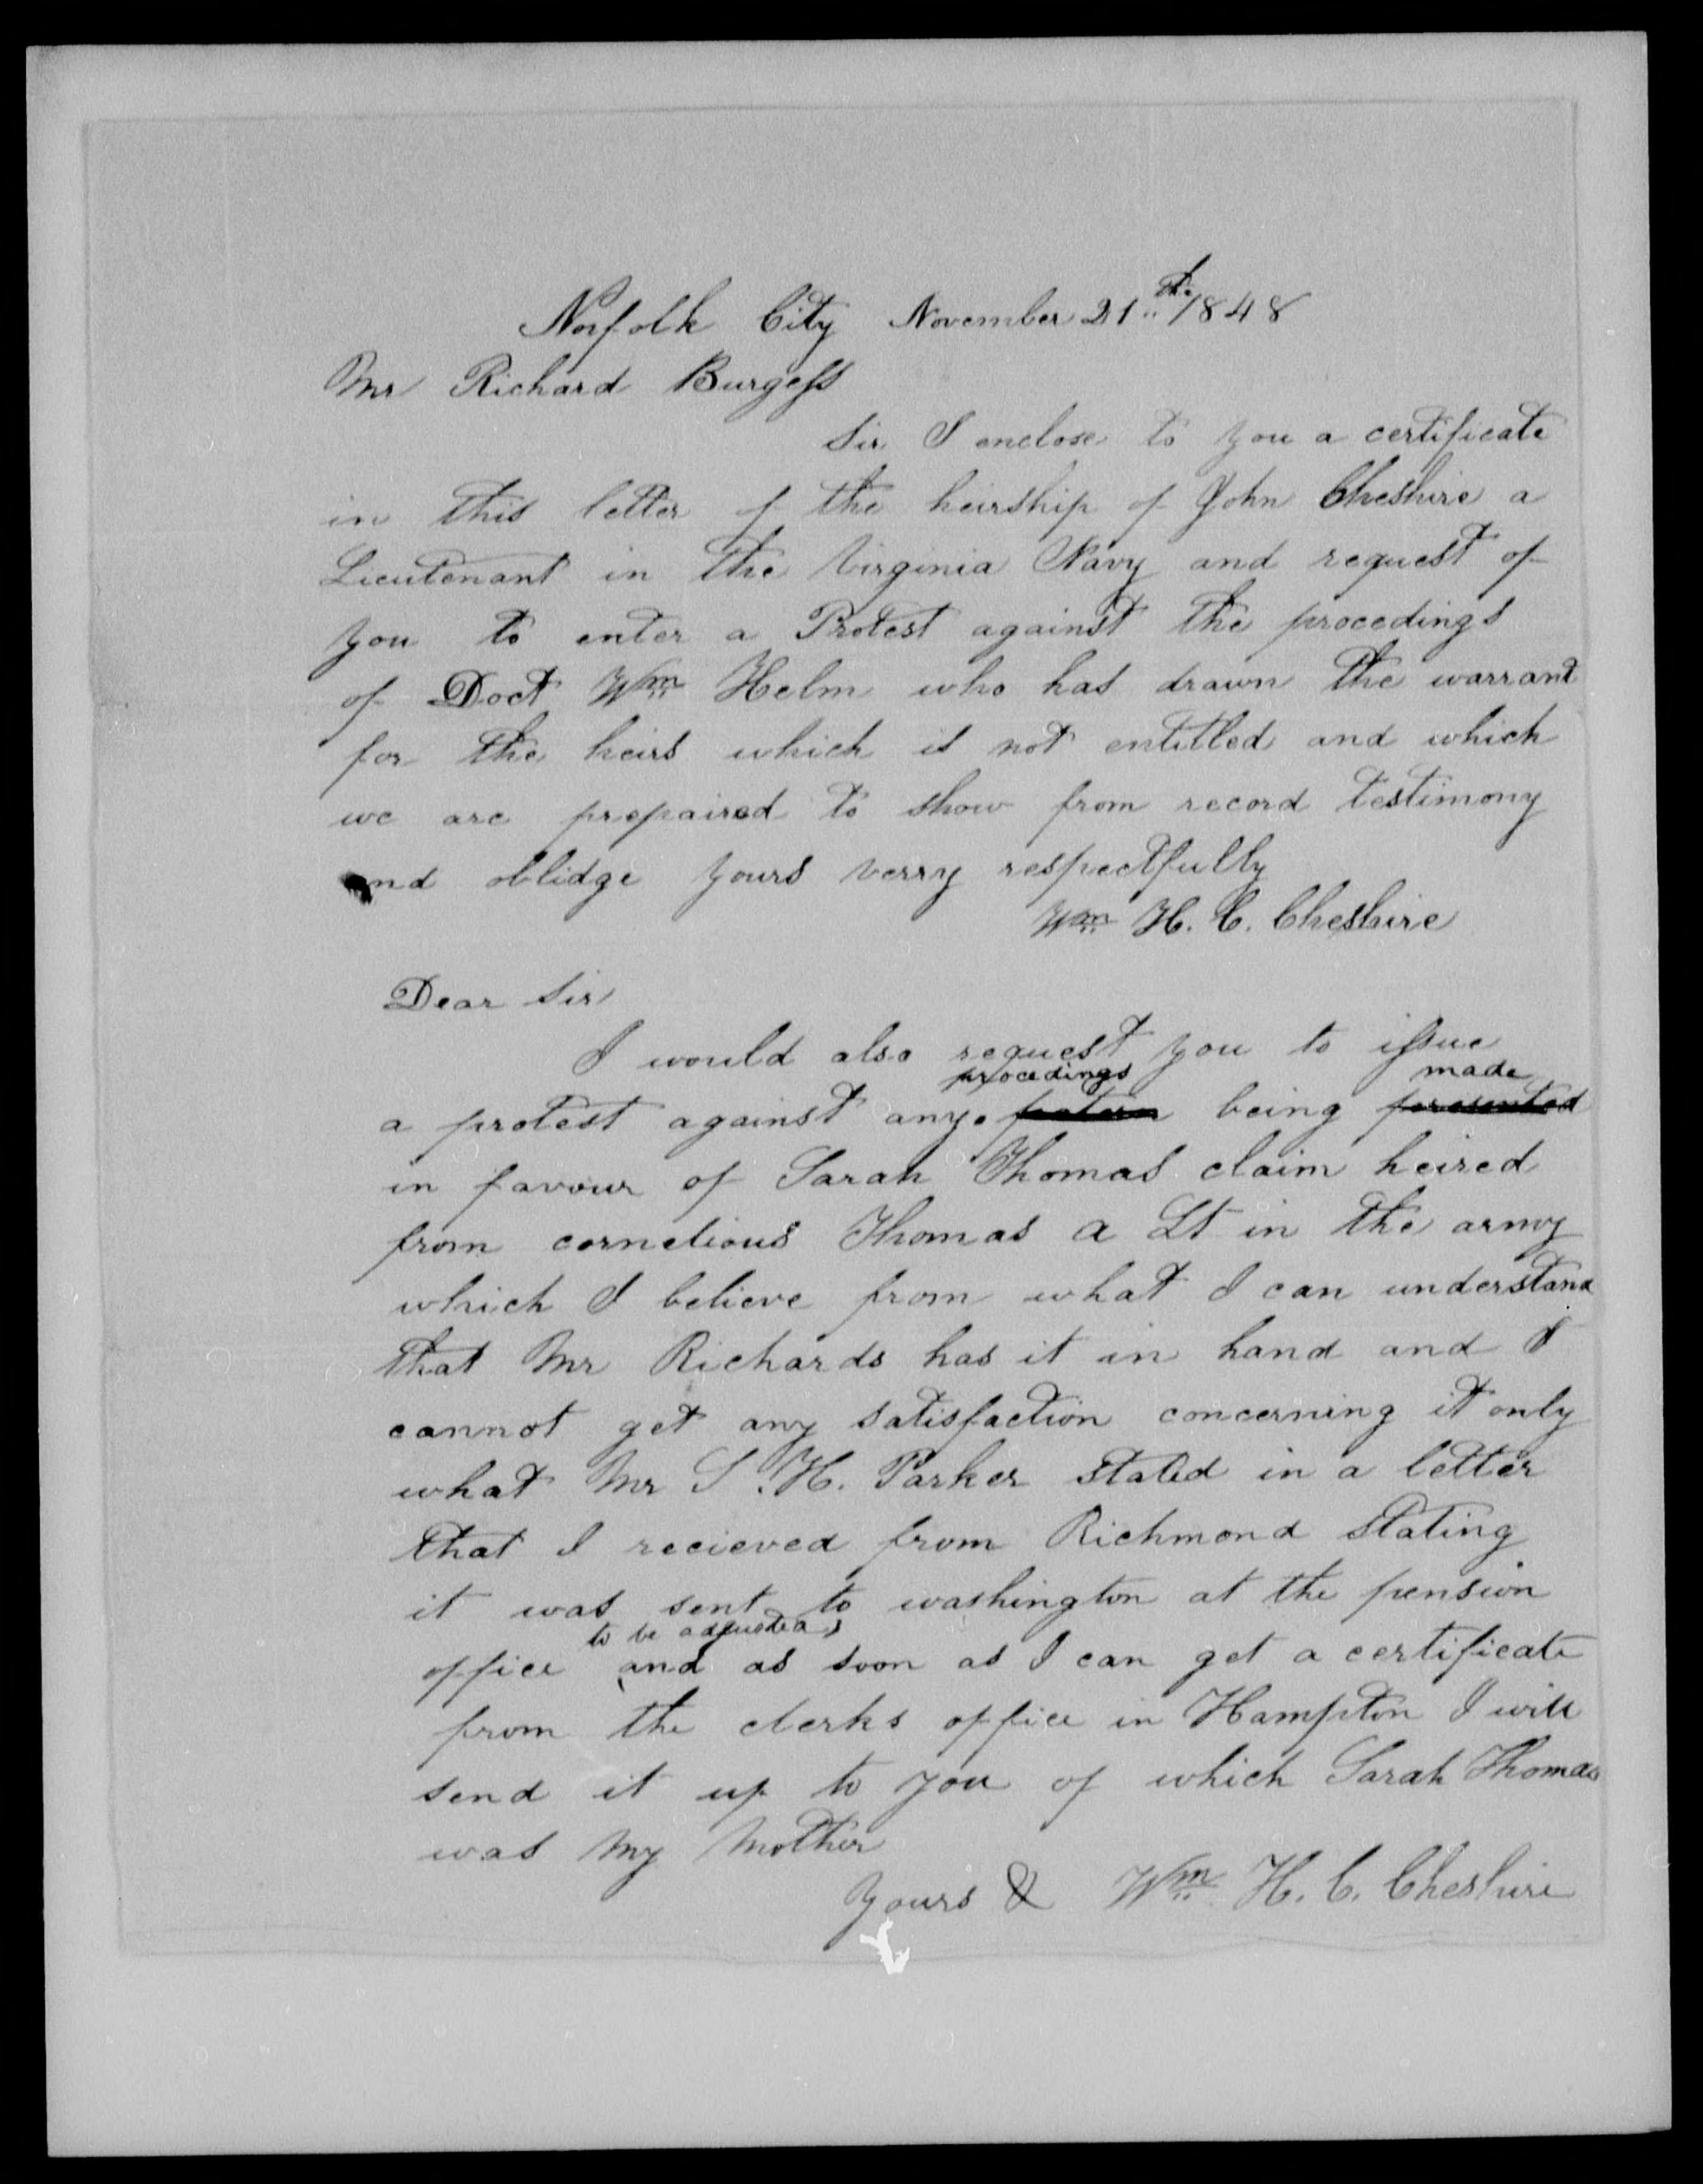Norfolk City November 21st 1848
Mr Richard Burgess
Sir I enclose to you a certificate in this letter of the heirship of John Cheshire a Lieutenant in teh Virginia Navy and request of you to enter a Protest against the proceedingS of Doct Wm Helm who has drawn the warrant for the heirs which is not entitled and which we are prepaired to show from record testimony and oblidge Yours Verry respectfully
Wm H.C. Cheshire
Dear Sire,
I would also request you to issue a protest against any ^procedings [crossed out handwritten text] being ^made [crossed out handwritten text] in favour of Sarah Thomas claim heired from cornelious Thomas a Lt in the army which I believe from what I can understand that Mr Richards has it in hand and I cannot get any satisfaction concerning it only what Mr L.H. Parker stated in a letter that I recieved from Richmond stating  it was sent to washington at the Pension office ^to be adjusted, and as soon as I can get a certificate from the clerks office in Hampton I will send it up to you of which Sarah Thomas was my mother.
Yours [unknown mark] Wm H. C. Cheshire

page: 6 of 6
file: R, for Cornelius Thomas, Virginia